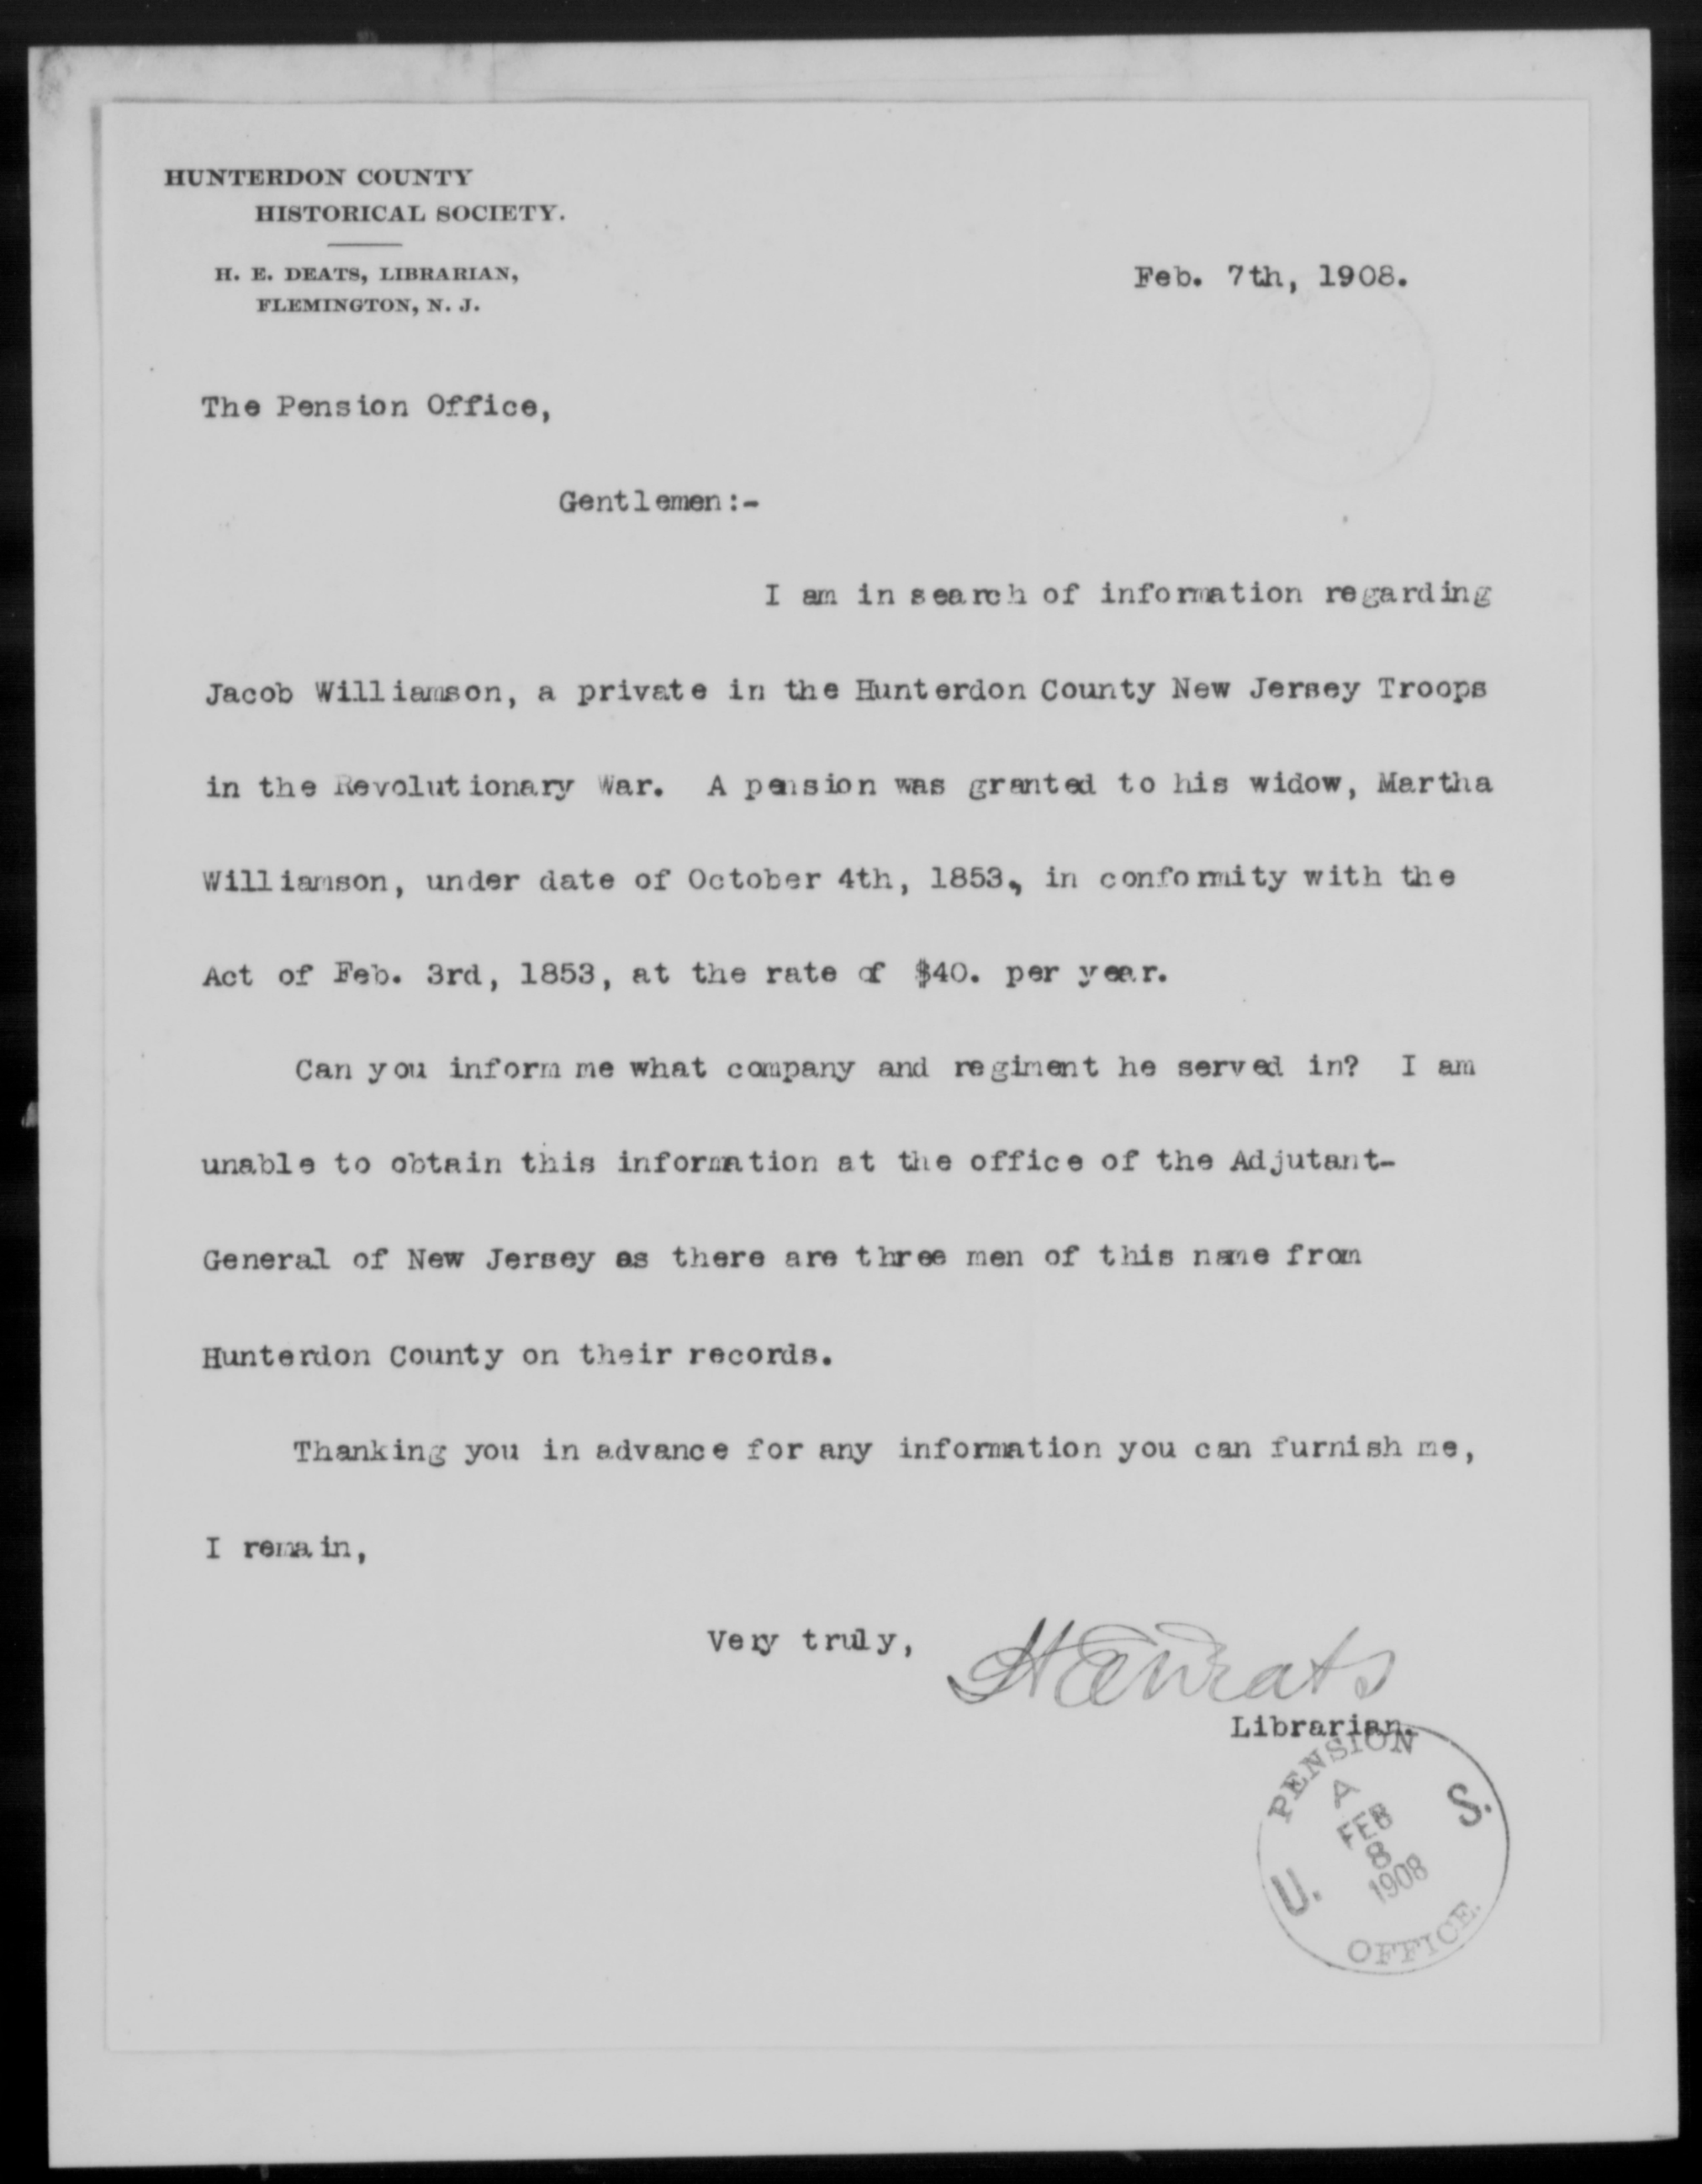HUNTERDON COUNTY HISTORICAL SOCIETY.
H.E. DEATS, LIBRARIAN.
FLEMINGTON, N.J.

Feb. 7th, 1908.

The Pension Office,

Gentlemen:

I am in search of information regarding Jacob Williamson, a private in the Hunterdon County, New Jersey Troops, in the Revolutionary War. A pension was granted to his widow, Martha Williamson, under date of October 4th 1853, in conformity with the Act of Feb. 3rd, 1853, at the rate of $40. per year.

Can you inform me what company and regiment he served in? I am unable to obtain this information at the office of the Adjutant General of New Jersey as there are three men of this name from Hunterdon County on their records.

Thanking you in advance for any information you can furnish me, I remain.

Very truly,
s/ H.E. Deats, Librarian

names: Jacob Williamson, Martha Williamson, H E Deats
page: 59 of 67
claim: widow's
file: W. 2393, Jacob Williamson, New Jersey